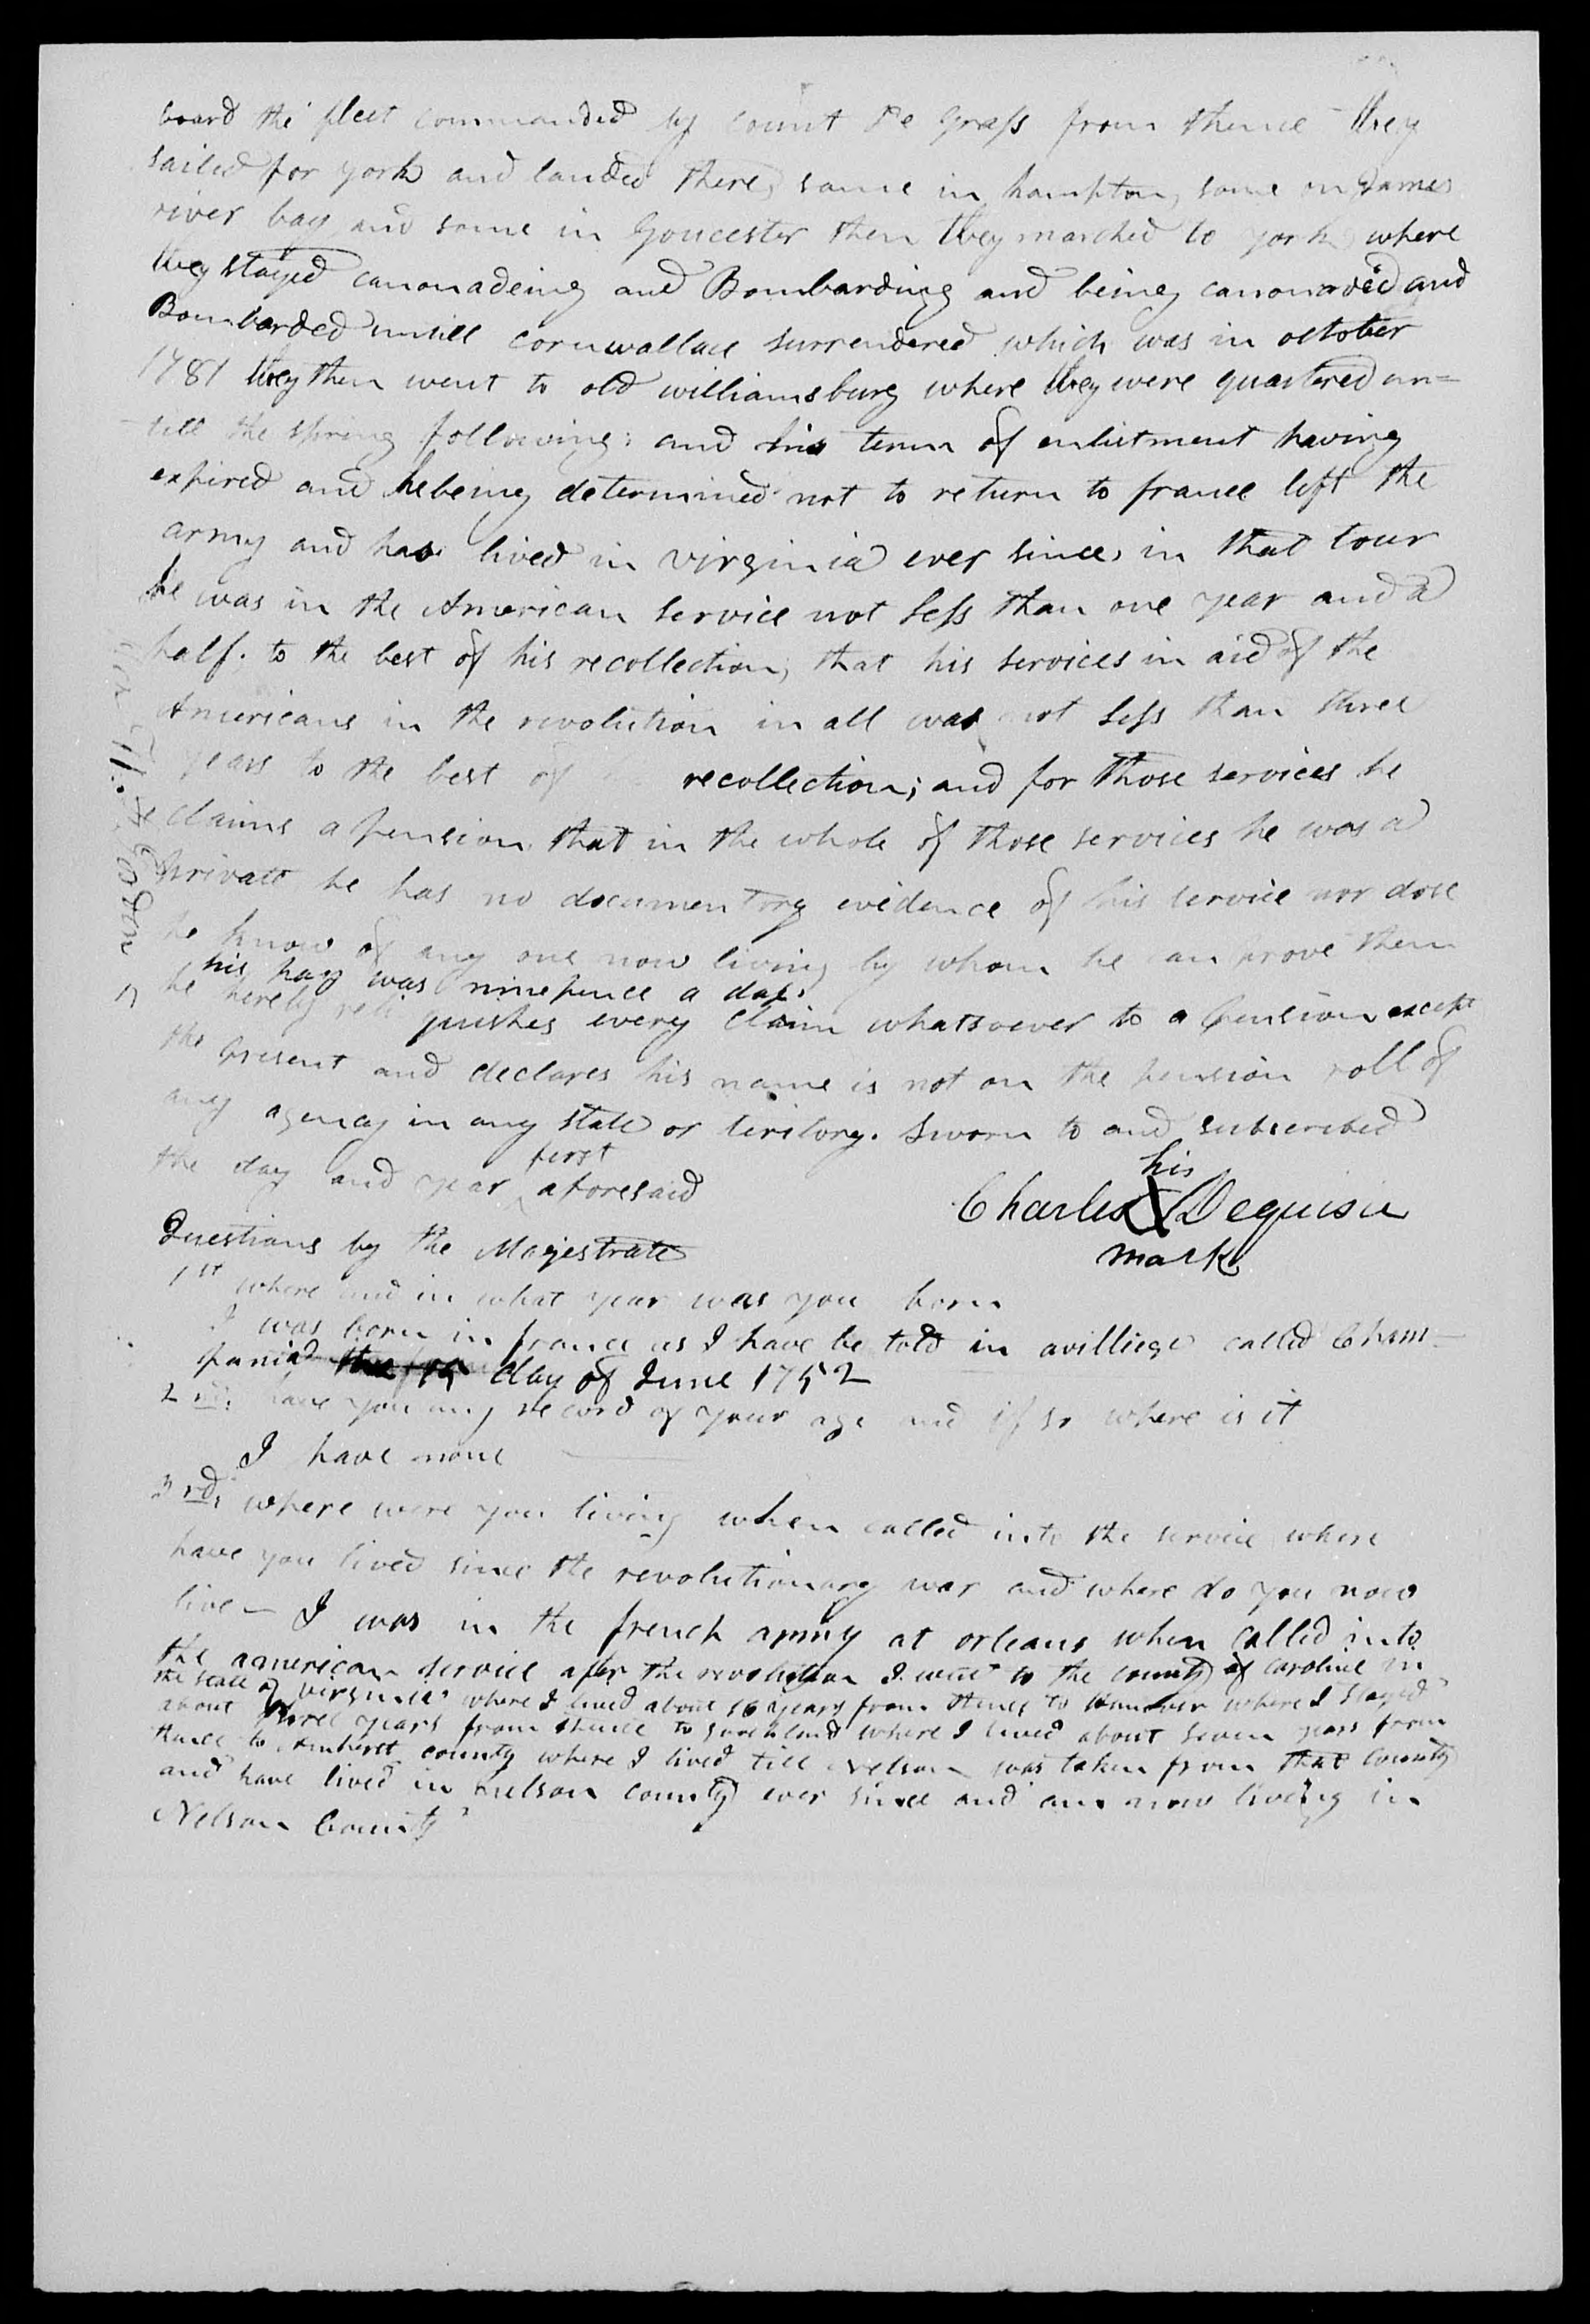board the fleet commanded by Count de Graffs; from thence they sailed for York and landed there, some in hampton, some on James River bay and some in Goucester; then they marched to York where they stayed cannonading and Bombarding and being cannonaded and Bombarded untill Cornwallace (Cornwallis) surrendered, which was in October 1781.  they then went to old Williamsburg where they were quartered untill the spring following, and his term of enlistment having expired and he being determined not to return to france, left the army and has lived in Virginia ever since. In that tour he was in the American Service not less than one year and a half to the best of his recollection; that his services in aid of the Americans in the revolution in all was not less than three years to the best of his recollection, and for those services he claims a pension. that in the whole of those services he was a private. he has no documenting evidence of his service nor does he know of any one now living by whom he can prove them. His pay was nine pence a day.  He hereby relinquishes every claim whatsoever to a pension except the present and declares his name is not on the pension roll of any agency in any State or teritory. Sworn to and subscribed the day and year first aforesaid,

Charles Dequisie (his mark)

Questions by the magistrate:

1st: where and in what year was you born?  I was born in france as I have been told in a village called Champania the 19th day of June 1752

2nd: have you any record of your age and if so where is it?  I have none

3rd: where were you living when called into the service, where have you lived since the revolutionary war and where do you now live?  I was in the french army at orleans when called into the American service . After the revolution I went to the County of Caroline in the state of Virginia where I lived about 16 years; from there to Hanover where I stayed three years; from thence to Goochland where I lived about seven years; from thence to Sunburst County where I lived till Nelson was taken from that County and have lived in Nelson county ever since and am now living in Nelson County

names: Charles Dequisie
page: 3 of 21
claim: rejected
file: R. 2,896, Charles Duzua, French